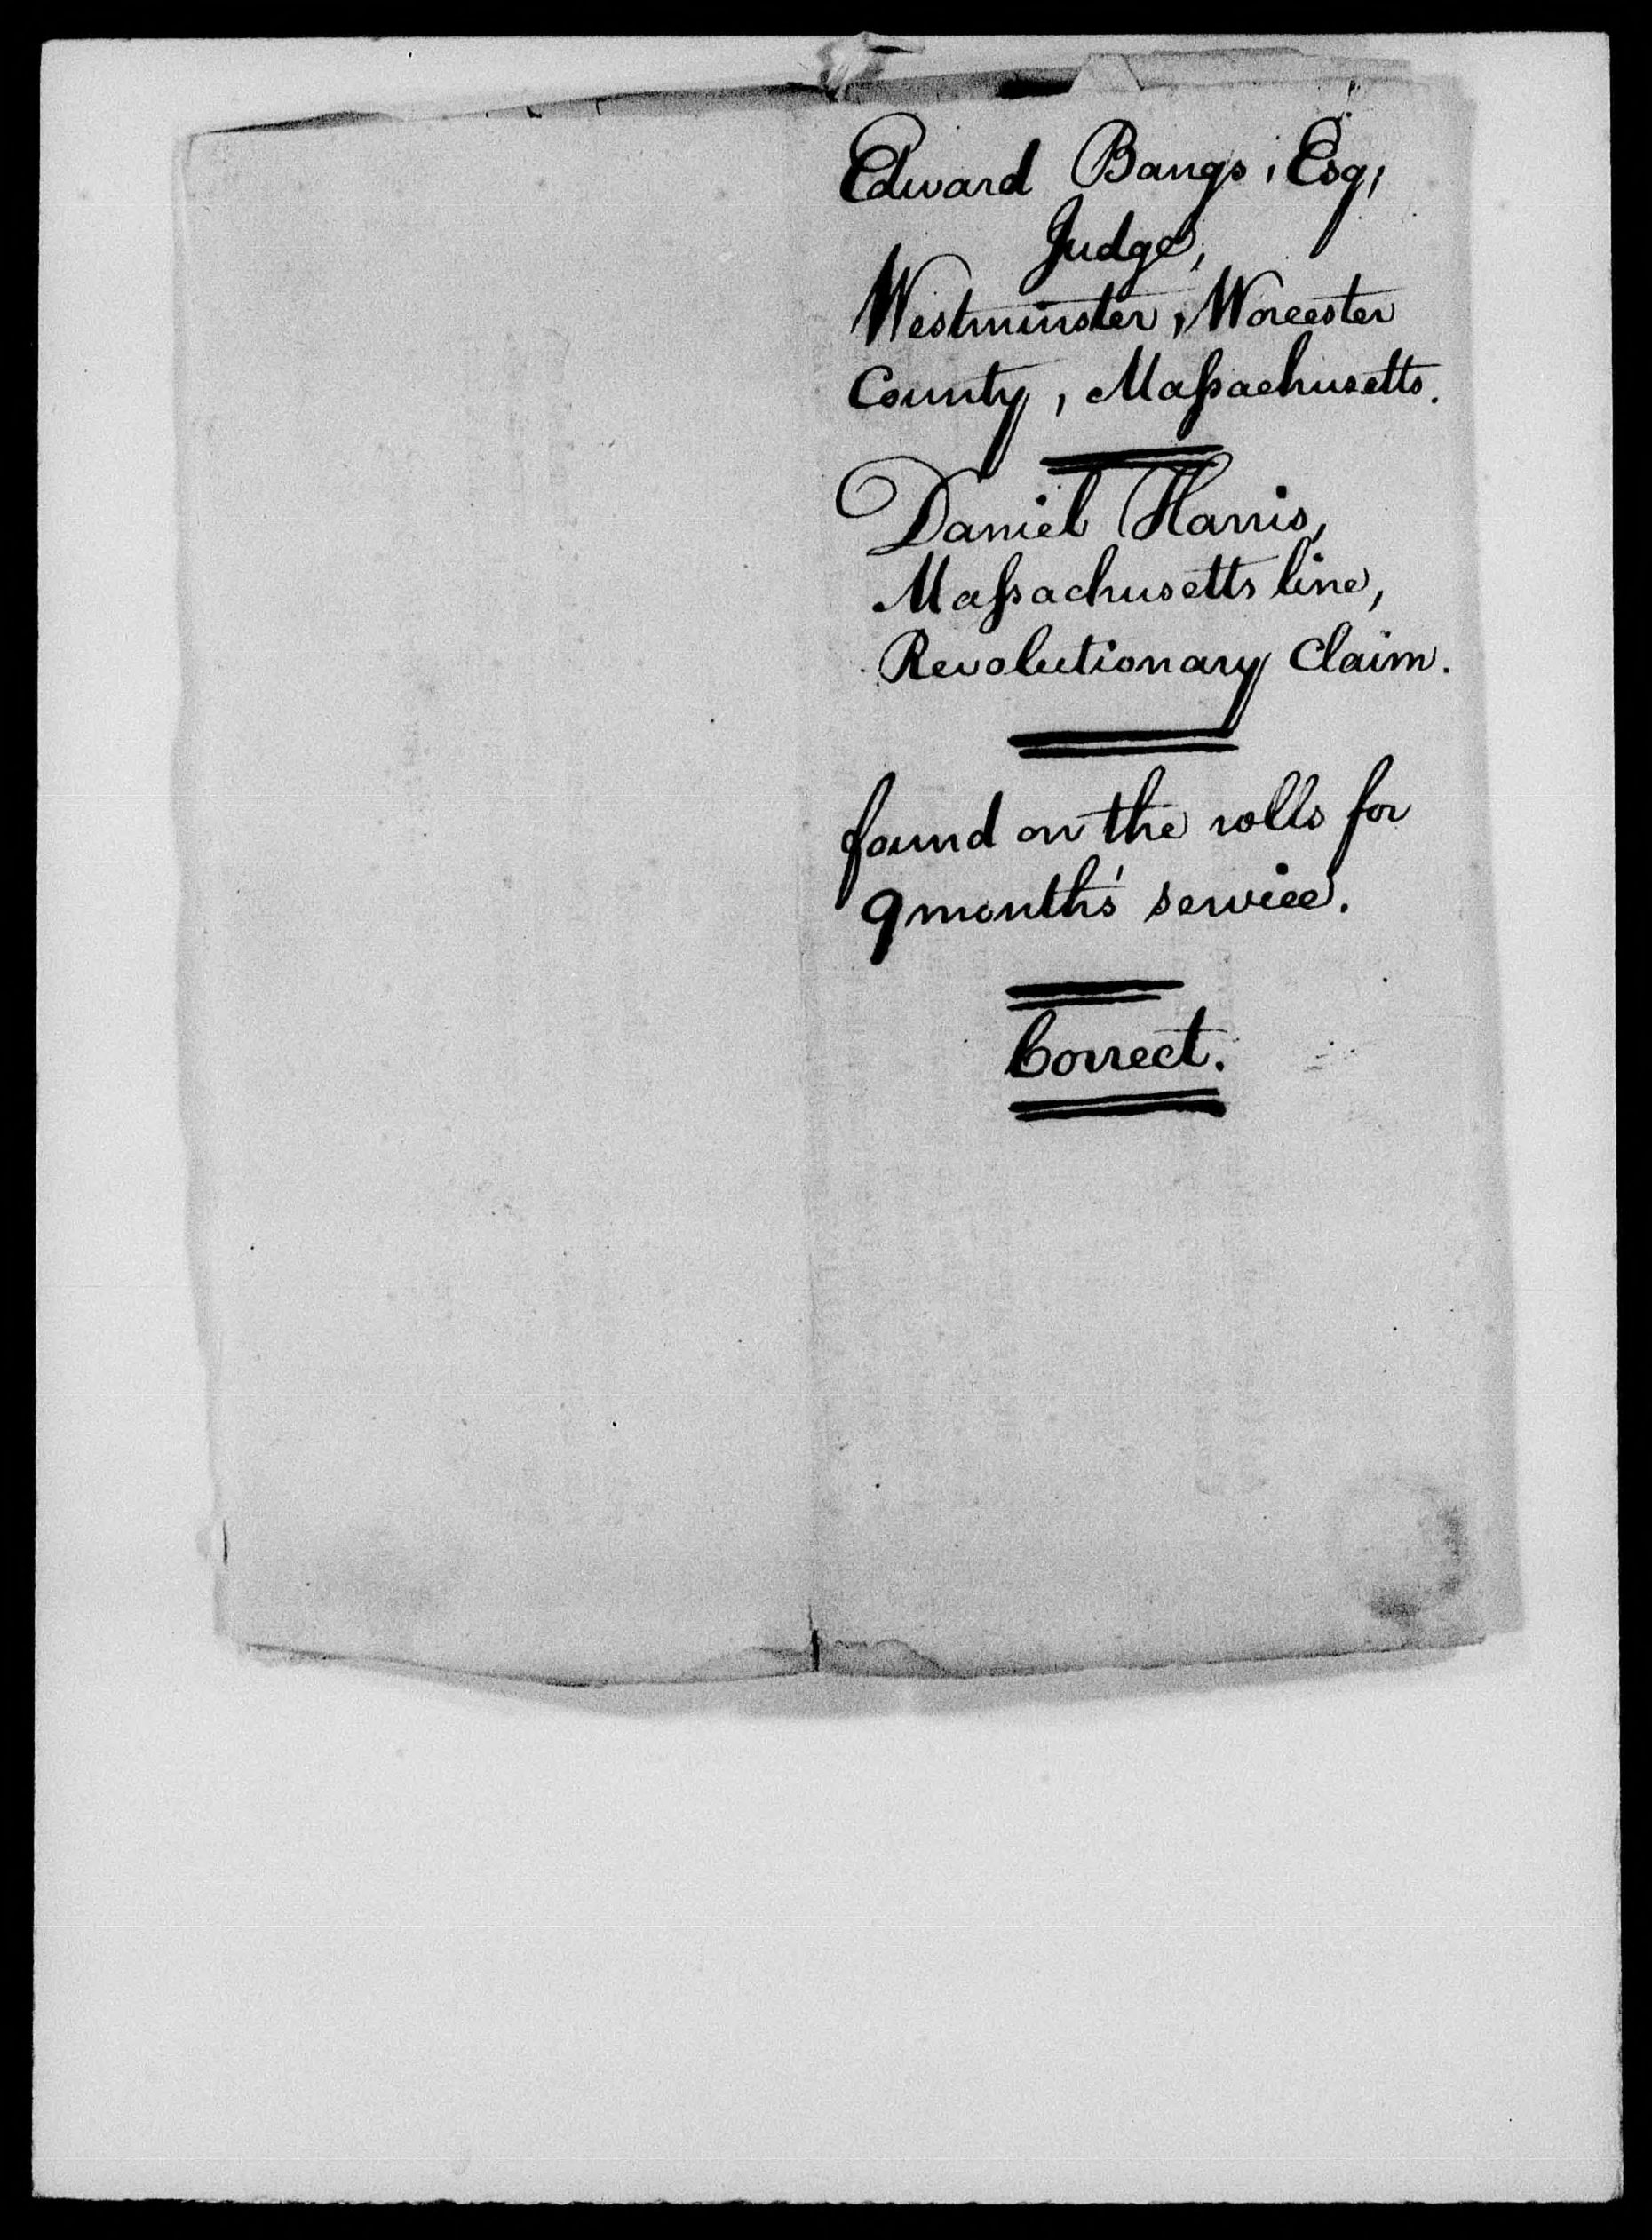Edward Bangs, Esq, 
Judge
Westminster, Worcester County, Massachusetts

Daniel Harris 
Massachusetts line, 
Revolutionary Claim

found on the rolls for 9 months service.  

Correct.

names: Daniel Harris, Edward Bangs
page: 24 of 68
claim: survivor's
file: S. 29,877, Daniel Harris, Mass.